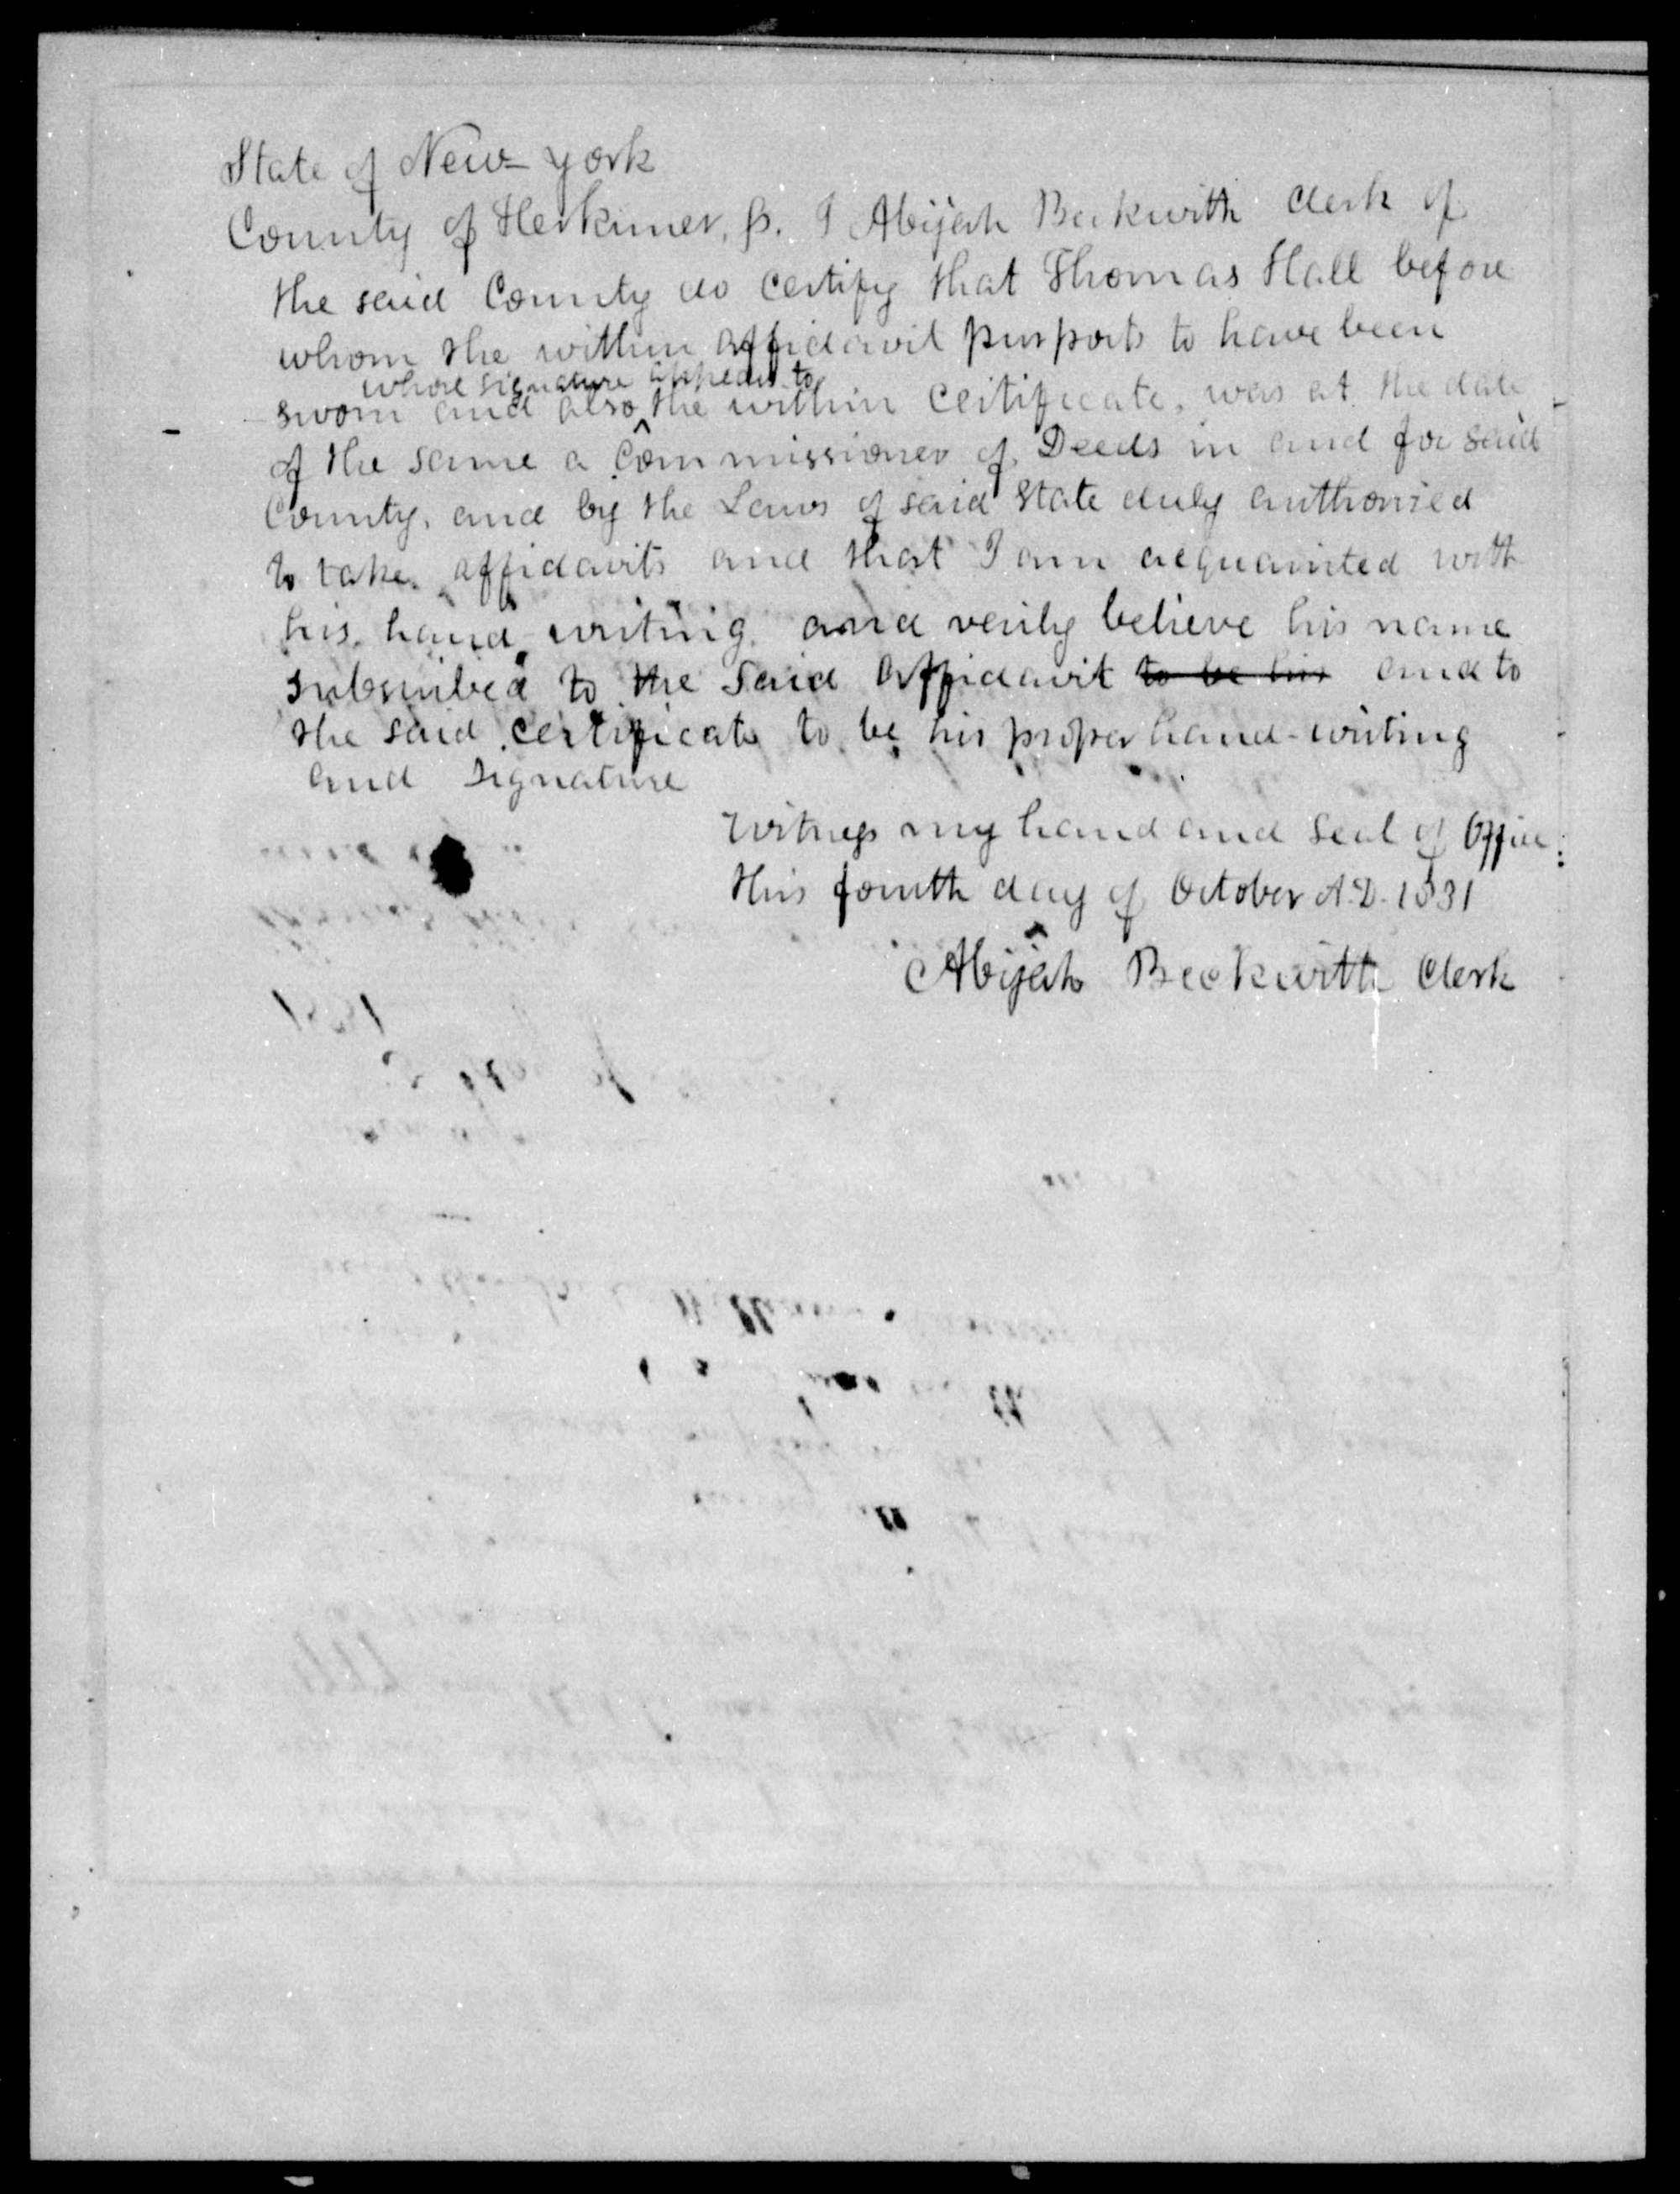State of New York
County of Herkimer ss
I Abijah Beckwith clerk of the said county do certify that Thomas Hall before whom the within affidavit purports to have been sworn and also whose signature affixed to the within certificate was at the date of the same a commissioner of deeds in and for said county and by the laws of said state duly authorized to take affidavits and that I am acquainted with his hand writing and verily believe his name subscribed to the said affidavit [strike out "to be his"] and to the said certificate to be hi proper hand writing and signature.
Witness my hand and seal of office this fourth day of October AD 1831
Abijah Beckwith clerk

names: Thomas Hall; Abijah Beckwith; Abijah Beckwith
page: 12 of 12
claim: rejected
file: R. 8,593, for William Ranney, Connecticut